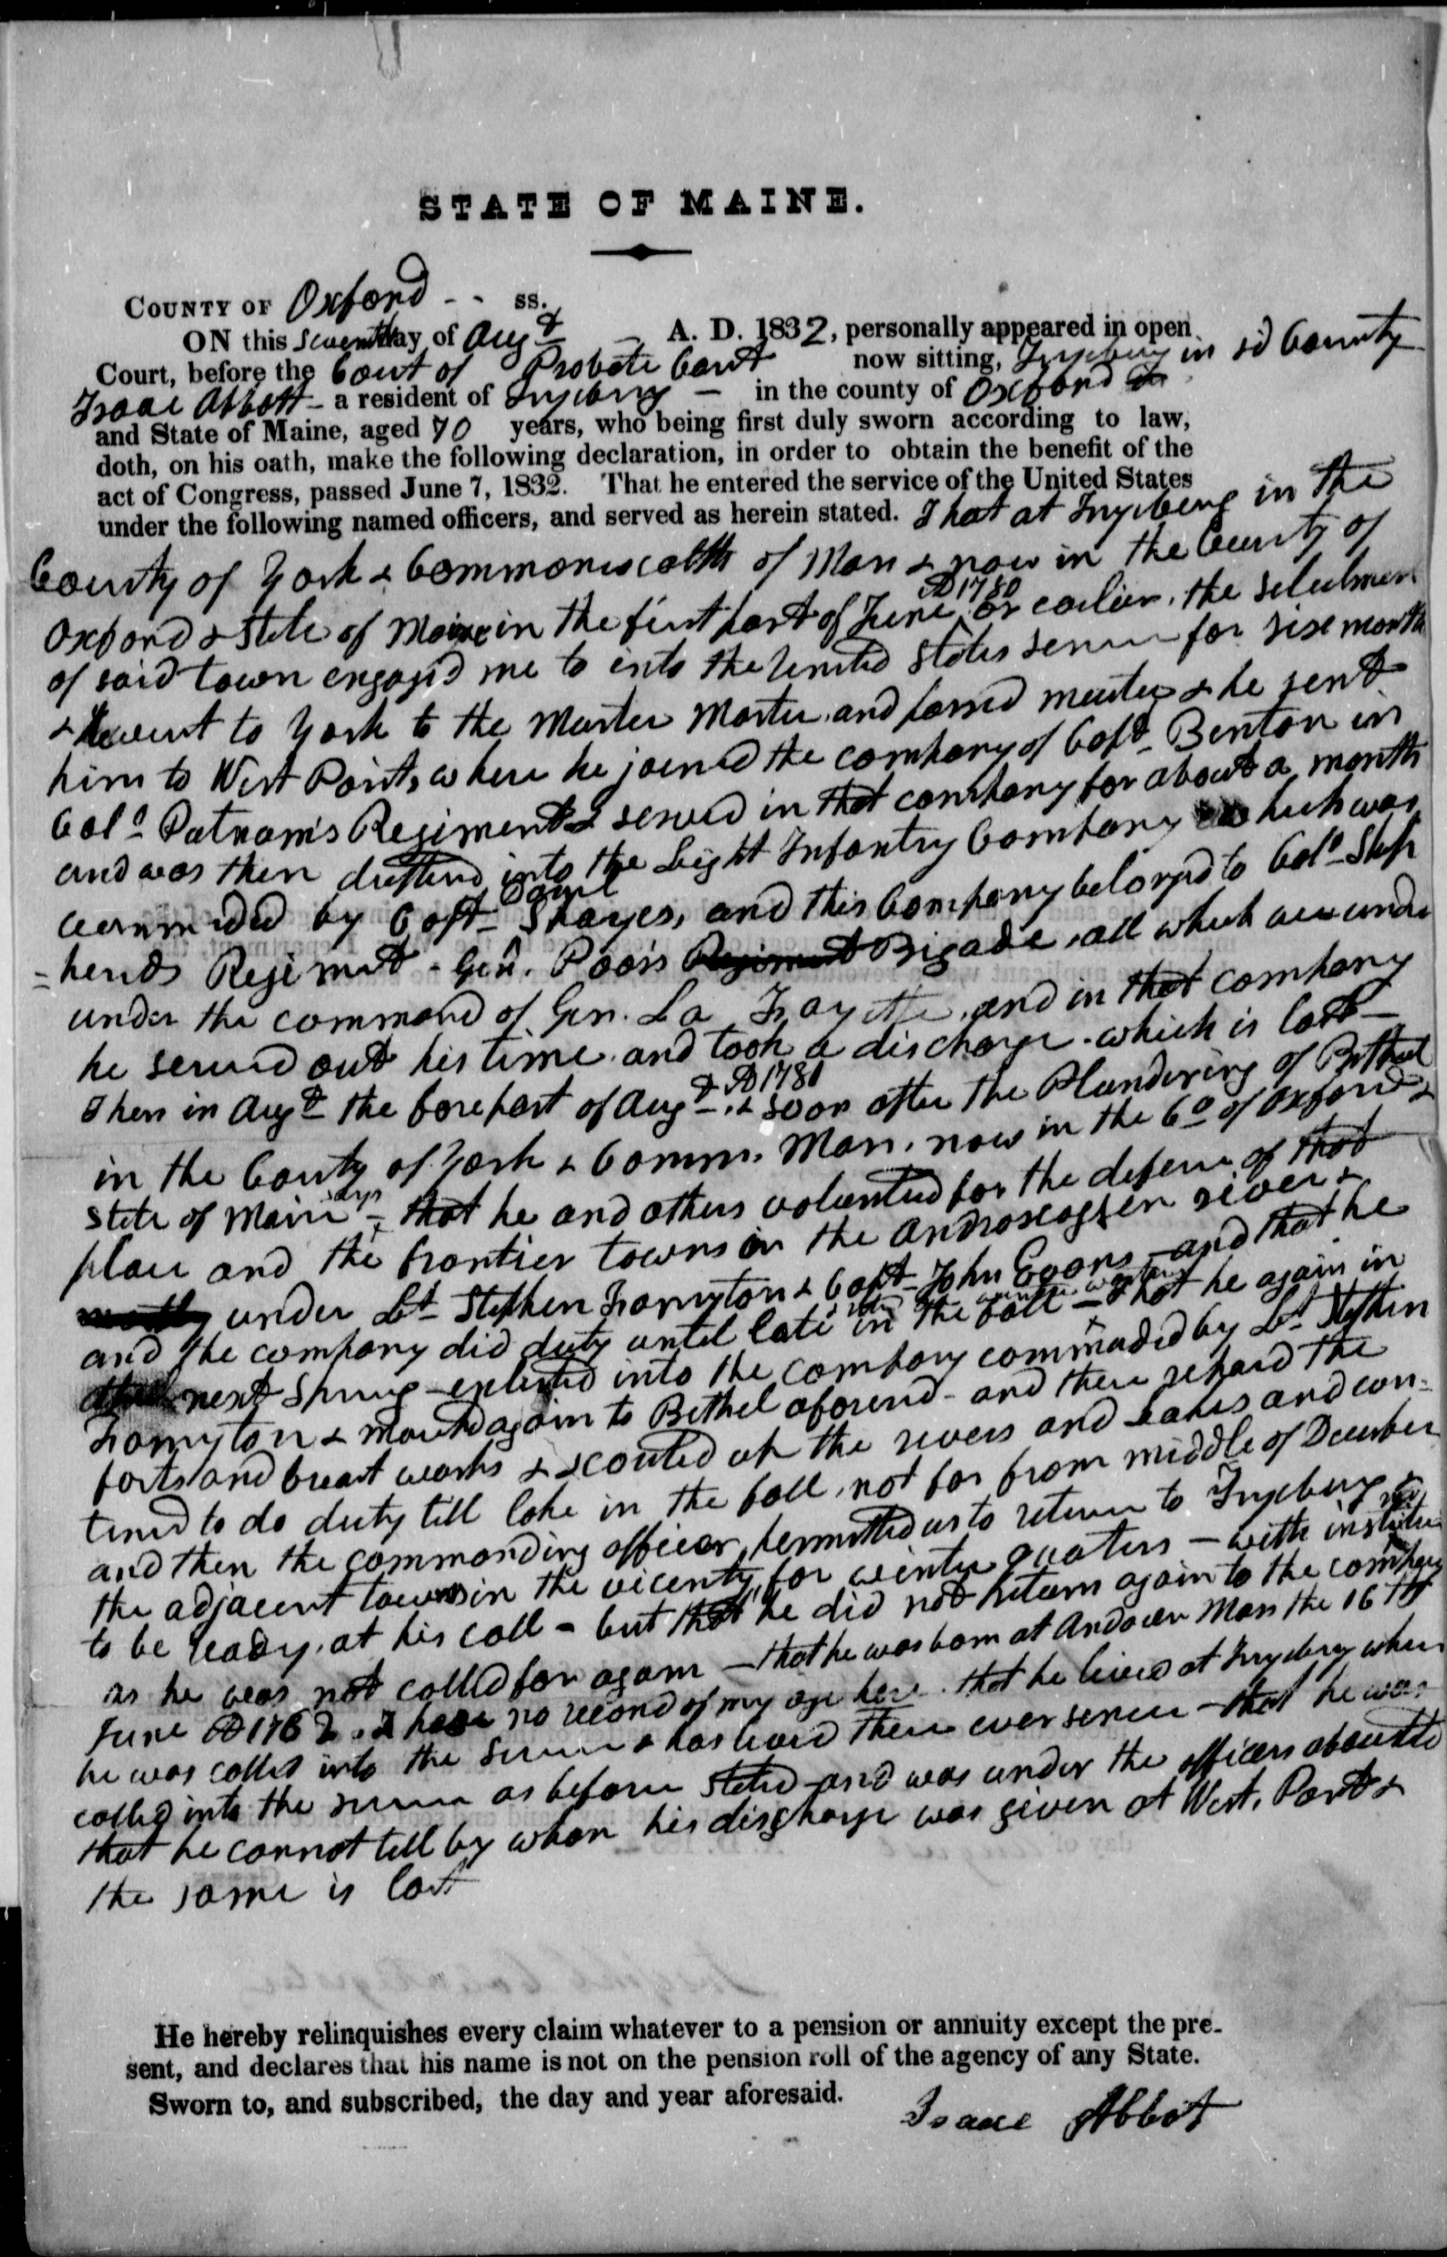State of Maine.
County of Oxford ... SS.
On this seventh day of Aug AD 1832, personally appeared in open
Court, before the Court of [Probate?] Court now sitting, [Tuybuy?] in [id?] County
[Judge?] Abbott a resident of [Tybury?] in the county of Oxford
and State of Maine, aged 70 years, who being first duly sworn according to law,
doth, on his oath, make the following declaration, in order to obtain the benefit of the
act of Congress, passed June 7, 1832. That he entered the service of the United States
under the following named officers, and served as herein stated. I had at [Trybury] in the
County of York, Commonweath of Maine, now in the County of 
Oxford & State of Maine in the first half of June 1780 or [colum?] the [setumbrett?]
of said town engaged me to into the United States [service?] for six month
& [servant?] to York to the [matter matter?], and [fomed muster?] & he sent
him to West Point, where he joined the company of [Cold?] Benton in
Col. Patnam's Regiment & served in that company for about a month
and was then drafted into the Light Infantry Company [which?] was
commanded by Capt. [Daniel?] Sahyes, and the Company belonged to Col. [Shay?]
[hands?] Regiment, Gen. Poor's Brigade, all which [served?]
under the command of Gen. La [Tayth?] and in that company
he served out his time and took a discharge, which is [Cot?]--
Then in Aug the [forepart?] of Aug AD 1781 soon after the Plundering of [Bothel?]
in the County of York and Comm. Man. now in the 60 of Oxford
State of Maine, that he and others volunteered for the defense of that
place and the frontier towns in the [Androsession?] given
under Lt. Stephen [Fronton?] & Capt. John Goons and that he
and the company did duty until late in the fall-- that he again in
the next Spring enlisted in the Company commanded by Lt. Stephen
[Frompton?] & Marched again to Bethel aforesaid and there [served?] the
forts and breastworks & [counted?] up the rivers and lakes and con
tinued to do duty till late in the fall, not far from middle of December
and then the commanding officer, [committed?] unto return to [Trybury] &
the adjacent town in the vicinity for winter quarters - with [insofar?]
to be [beady?] at his coll - but that he did not return again to the [county?]
as he was not called for again - that he was [born?] at [Andover?] Mon the 16th
June AD 1782 & has no [union?] of [his age hev?] that he lived at [Trybury?] where
he was called into the service & has [had?] there [wer service?] that he was
called into the service as before stated-- and was under the officers [aforetted?]
that he cannot tell by whom his discharge was given of West Point &
the same in Cott.

He hereby relinquishes every claim whatever to a pension or annuity except the pre
sent, and declares that his name is not on the pension roll of the agency of any State.
Sworn to, and subscribed, the day and year aforesaid.
[Isaac?] Abbot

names: Stephen Farington, Stephen Farington, John Evans, Isaac Abbott, La Fayette, Isaac Abbot, Danel Shayes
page: 4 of 86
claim: survivor's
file: S 29,568, Isaac Abbot, Mass